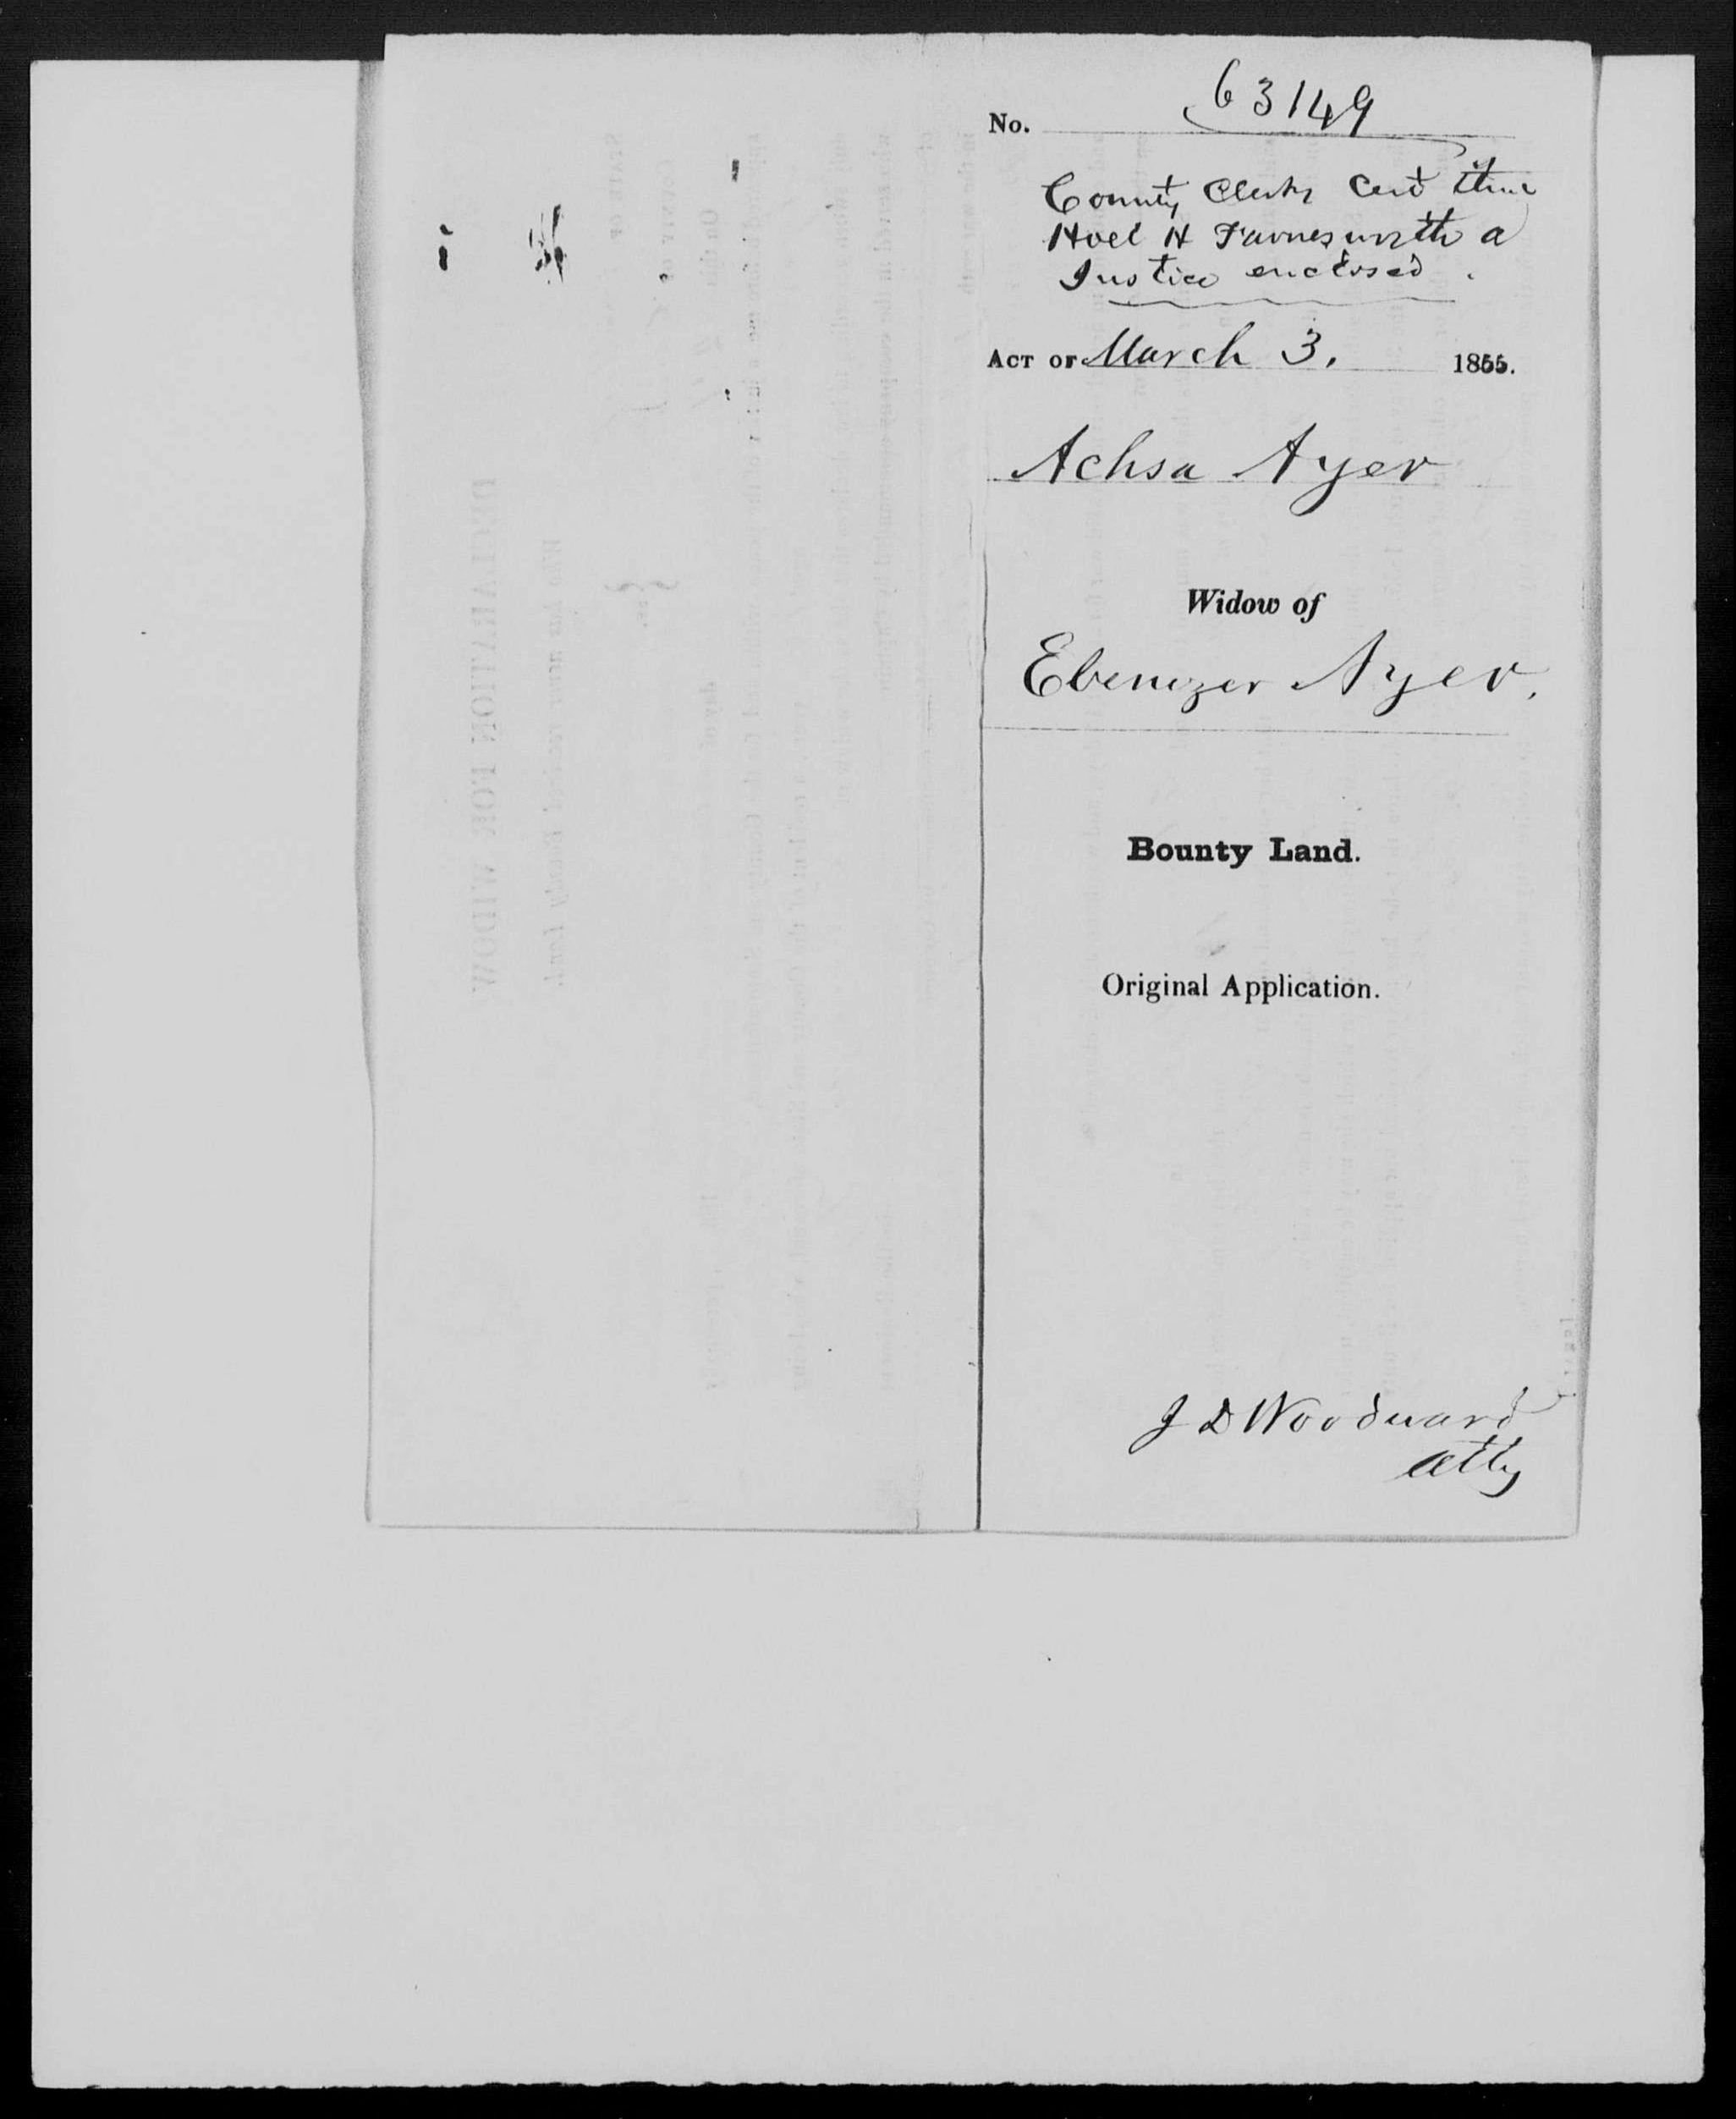No.  63149
County Clerks card that Hoel H Farnesworth a Justice enclosed.
ACT OF March 3, 188.
Achsa Ayer
Widow of 
Ebenezer Ayer.
Bounty Lan.
Original Application.
J D Woodward
Atty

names: J D Woodward, Ebenezer Ayer, Achsa Ayer, Hoel H Farnesworth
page: 17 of 50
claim: widow's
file: W. 8559, Ebenezer Ayer, Continental (Conn)